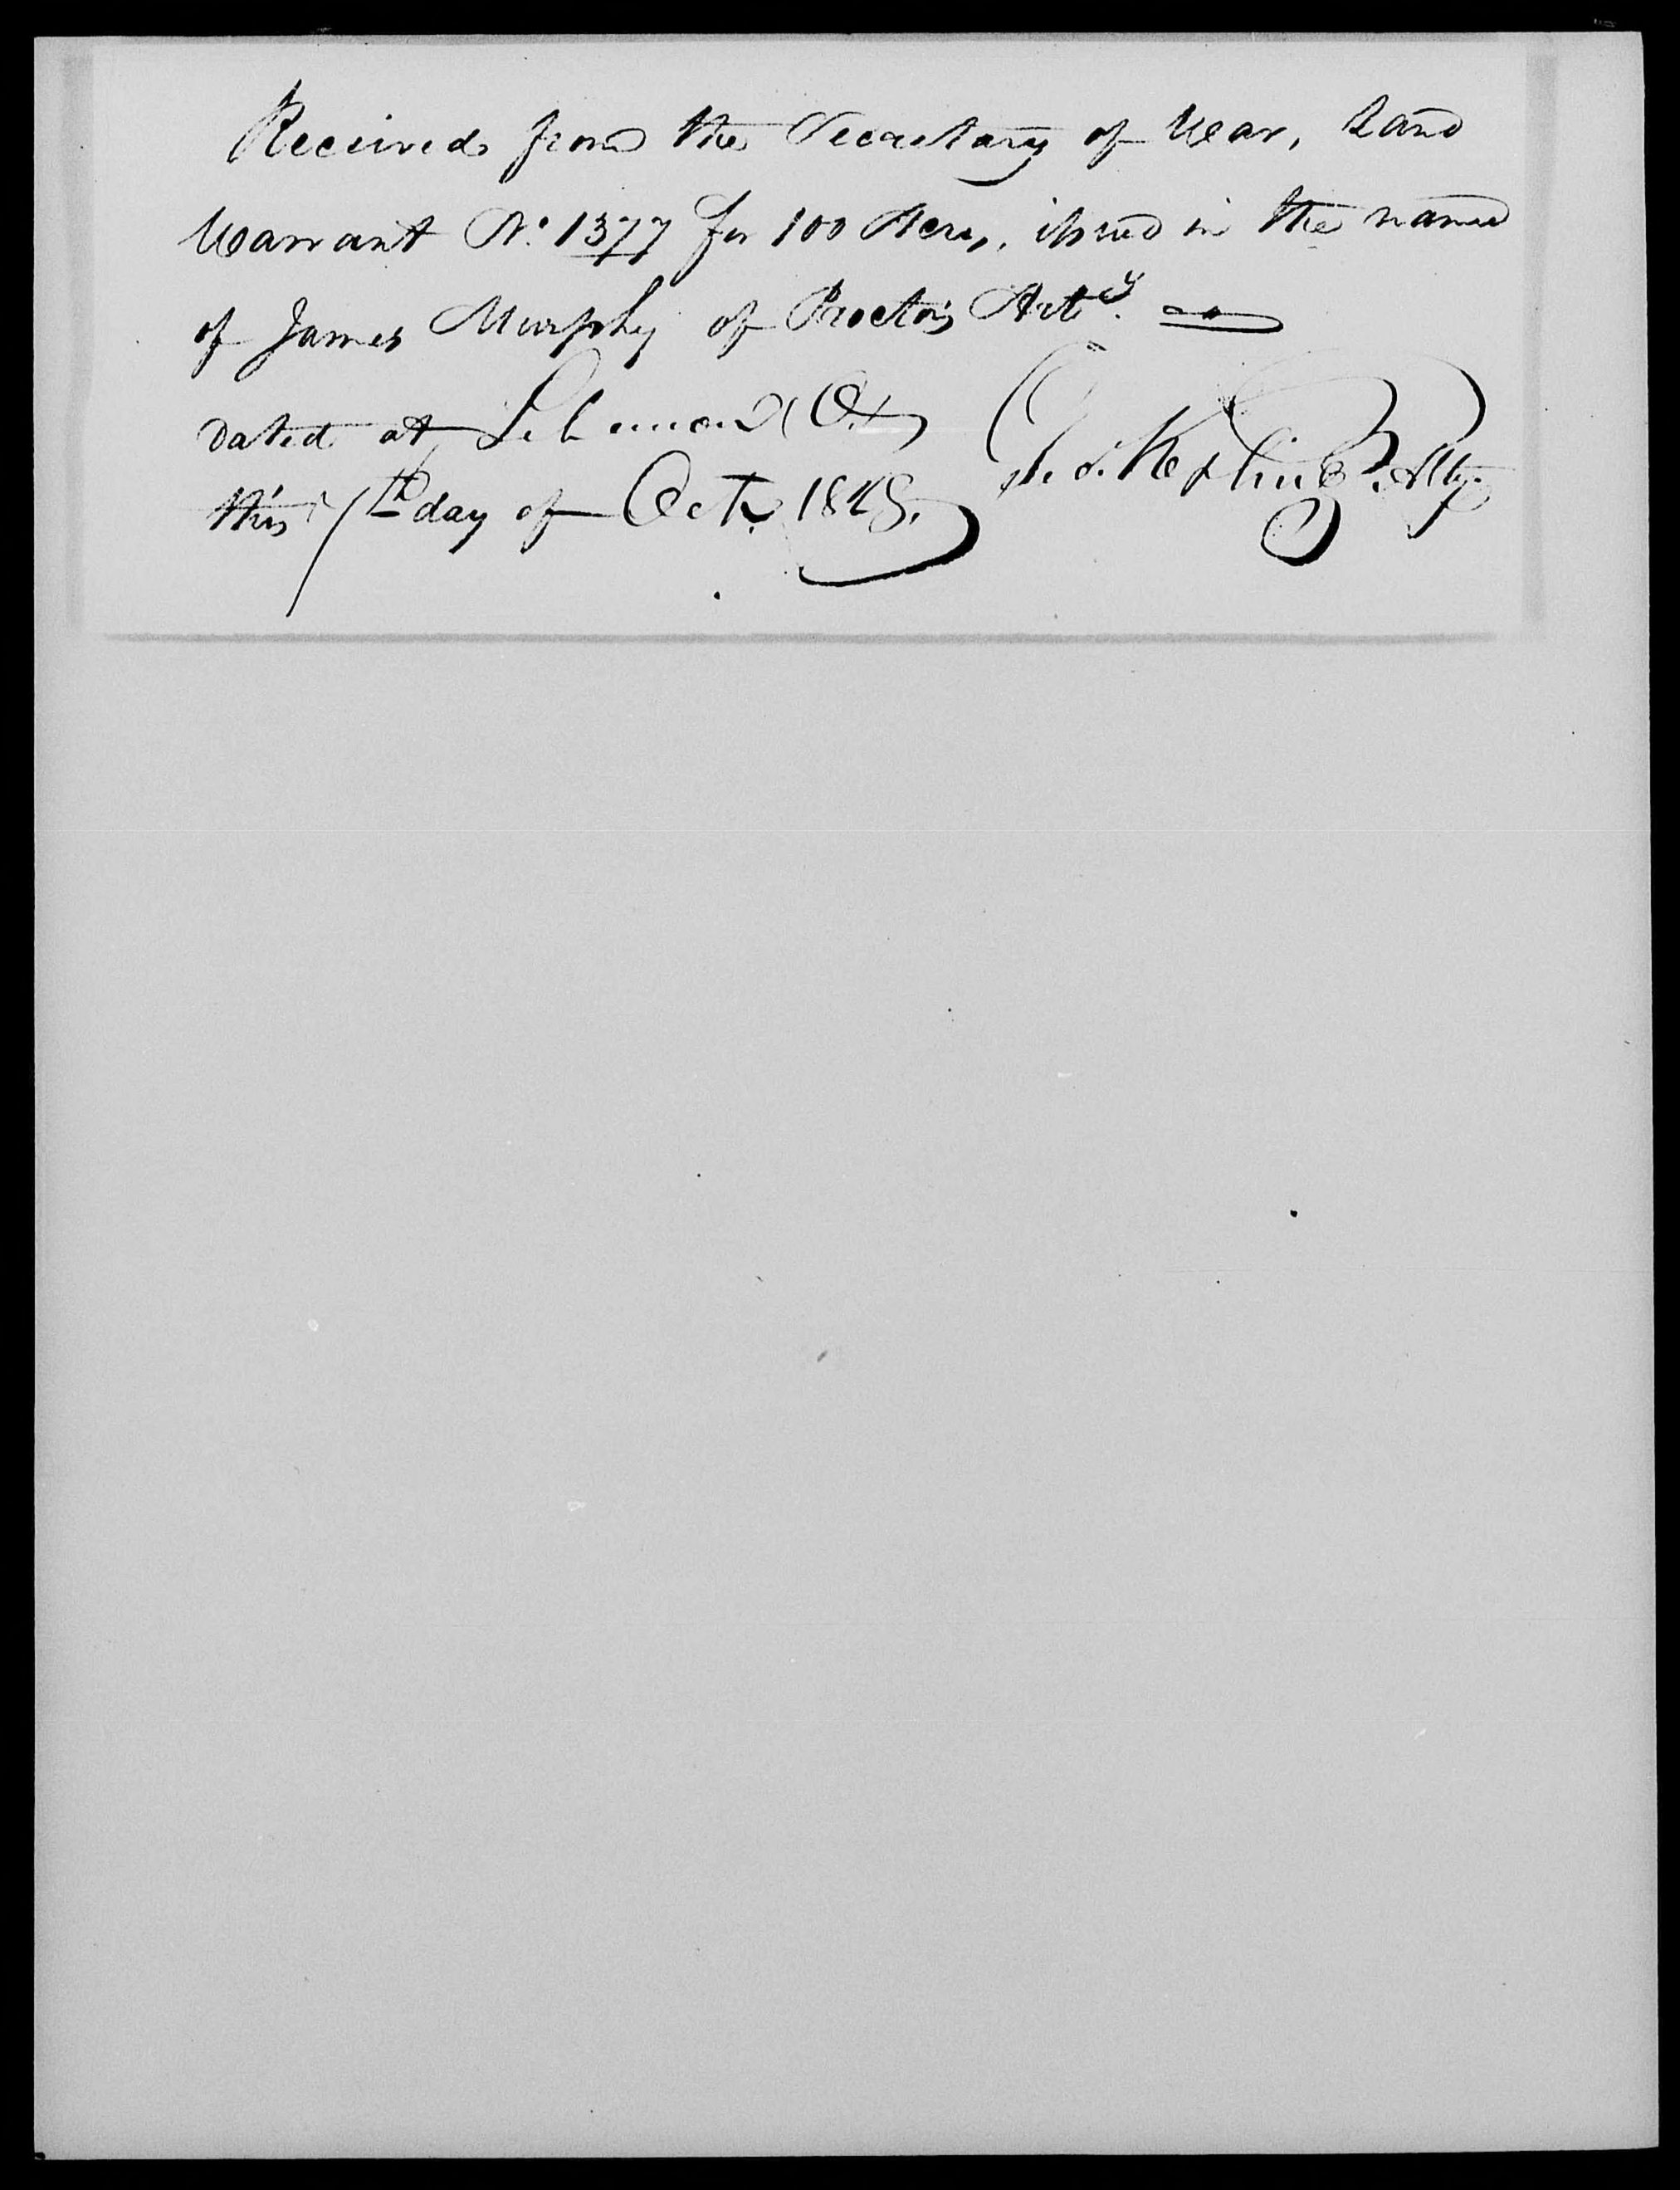Received from the Secretary of War, Land
Warrant N. 1377 for 100 acres, issued in the name
of James Murphy  of  Proctor's Arty 
Dated at Lebanon Oh
this 7th day of Oct 1848
Geo Kesling Atty /s/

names: Geoe Kesling; James Murphy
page: 50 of 57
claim: widow's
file: W. 25,739, for James Murphey, Pennsylvania